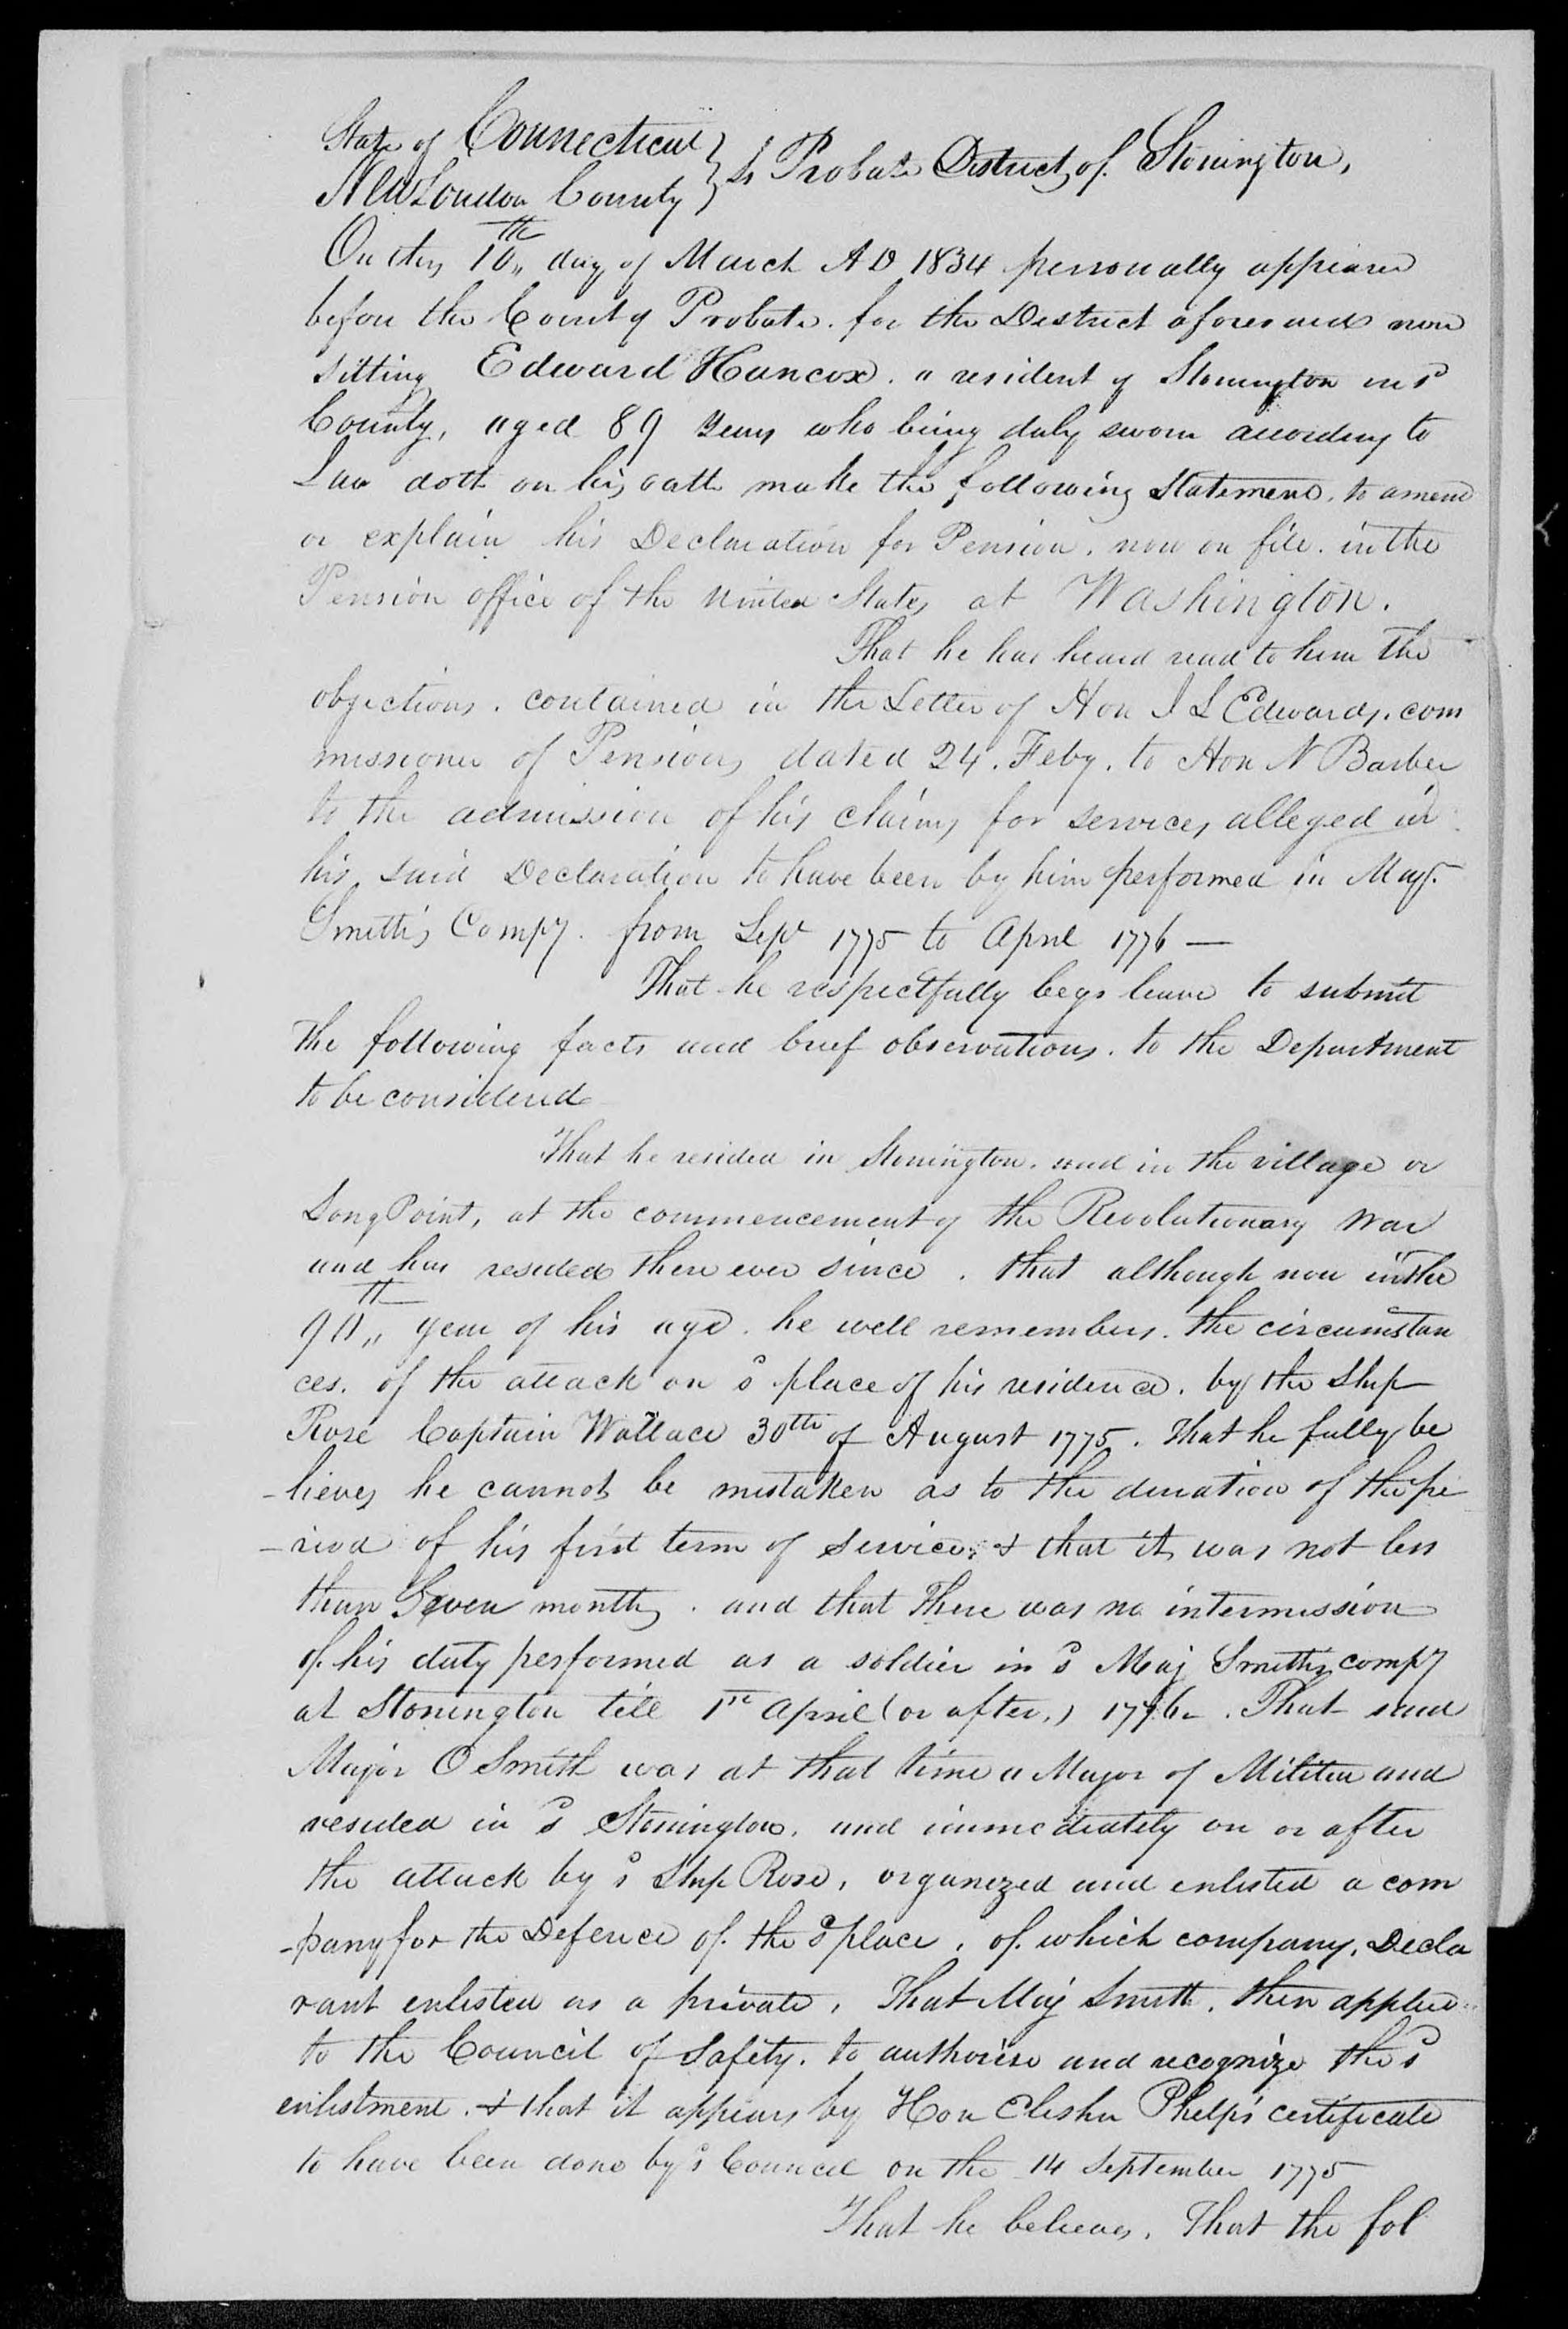State of Connecticut
New London County ⎬ Js. Probate District of Stonington,

On this 10th day of March AD 1834 personally appeared before the County Probate for the District aforesaid now sitting Edward Hancox a resident of Stonington in sd. County, aged 89 years who being duly sworn according to
Law doth on his oath make the following statement, to amend or explain his Declaration for Pension, now on file in the Pension office of the United States at Washington.
That he has heard read to him the objections contained in the Letter of Hon J L Edwards Commissioner of Pensions dated 24 Feby to Hon N Barber to the admission of his claims for service, alleged in his said Declaration to have been by him performed in May Smith's Compy from Sept 1775 to April 1776-
That he respectfully begs leave to submit
the following facts and brief observations, to the Department to be considered.
That he resided in Stonington, and in the village or Long Point, at the commencement of the Revolutionary War and has resided there ever since. that although now in the 90th
year of his age, he well remembers the circumstances of the attack on sd. place of his residence, by the ship Rose Captain Wallace 30th of August 1775. That he fully believes he cannot be mistaken as to the duration of the period of his first term of service, & that it was not less
than seven months, and that there was no intermission of his duty performed as a soldier in sd Maj Smiths compy at Stonington till 1st April (or after, 1776. That said Major O Smith was at that time a Major of Militia and resided in sd Stonington, and immediately on or after
the attack by Ship Rose, organized and enlisted a company for the Defence of the sd. place, of which company, Declarant enlisted as a private. That Maj Smith, then applied to the Council of Safety. to authorise and recognize the sd.
enlistment & that it appears by Hon Elisha Phelp's certificate to have been done by sd. Council on the 14 September 1775
That he believes. That the fol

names: Smith, Smith, Wallace, Edward Hancox, O Smith, N Barber, J L Edwards, Elisha Phelps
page: 23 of 26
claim: survivor's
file: S. 16843, Edward Hancox, Conn.